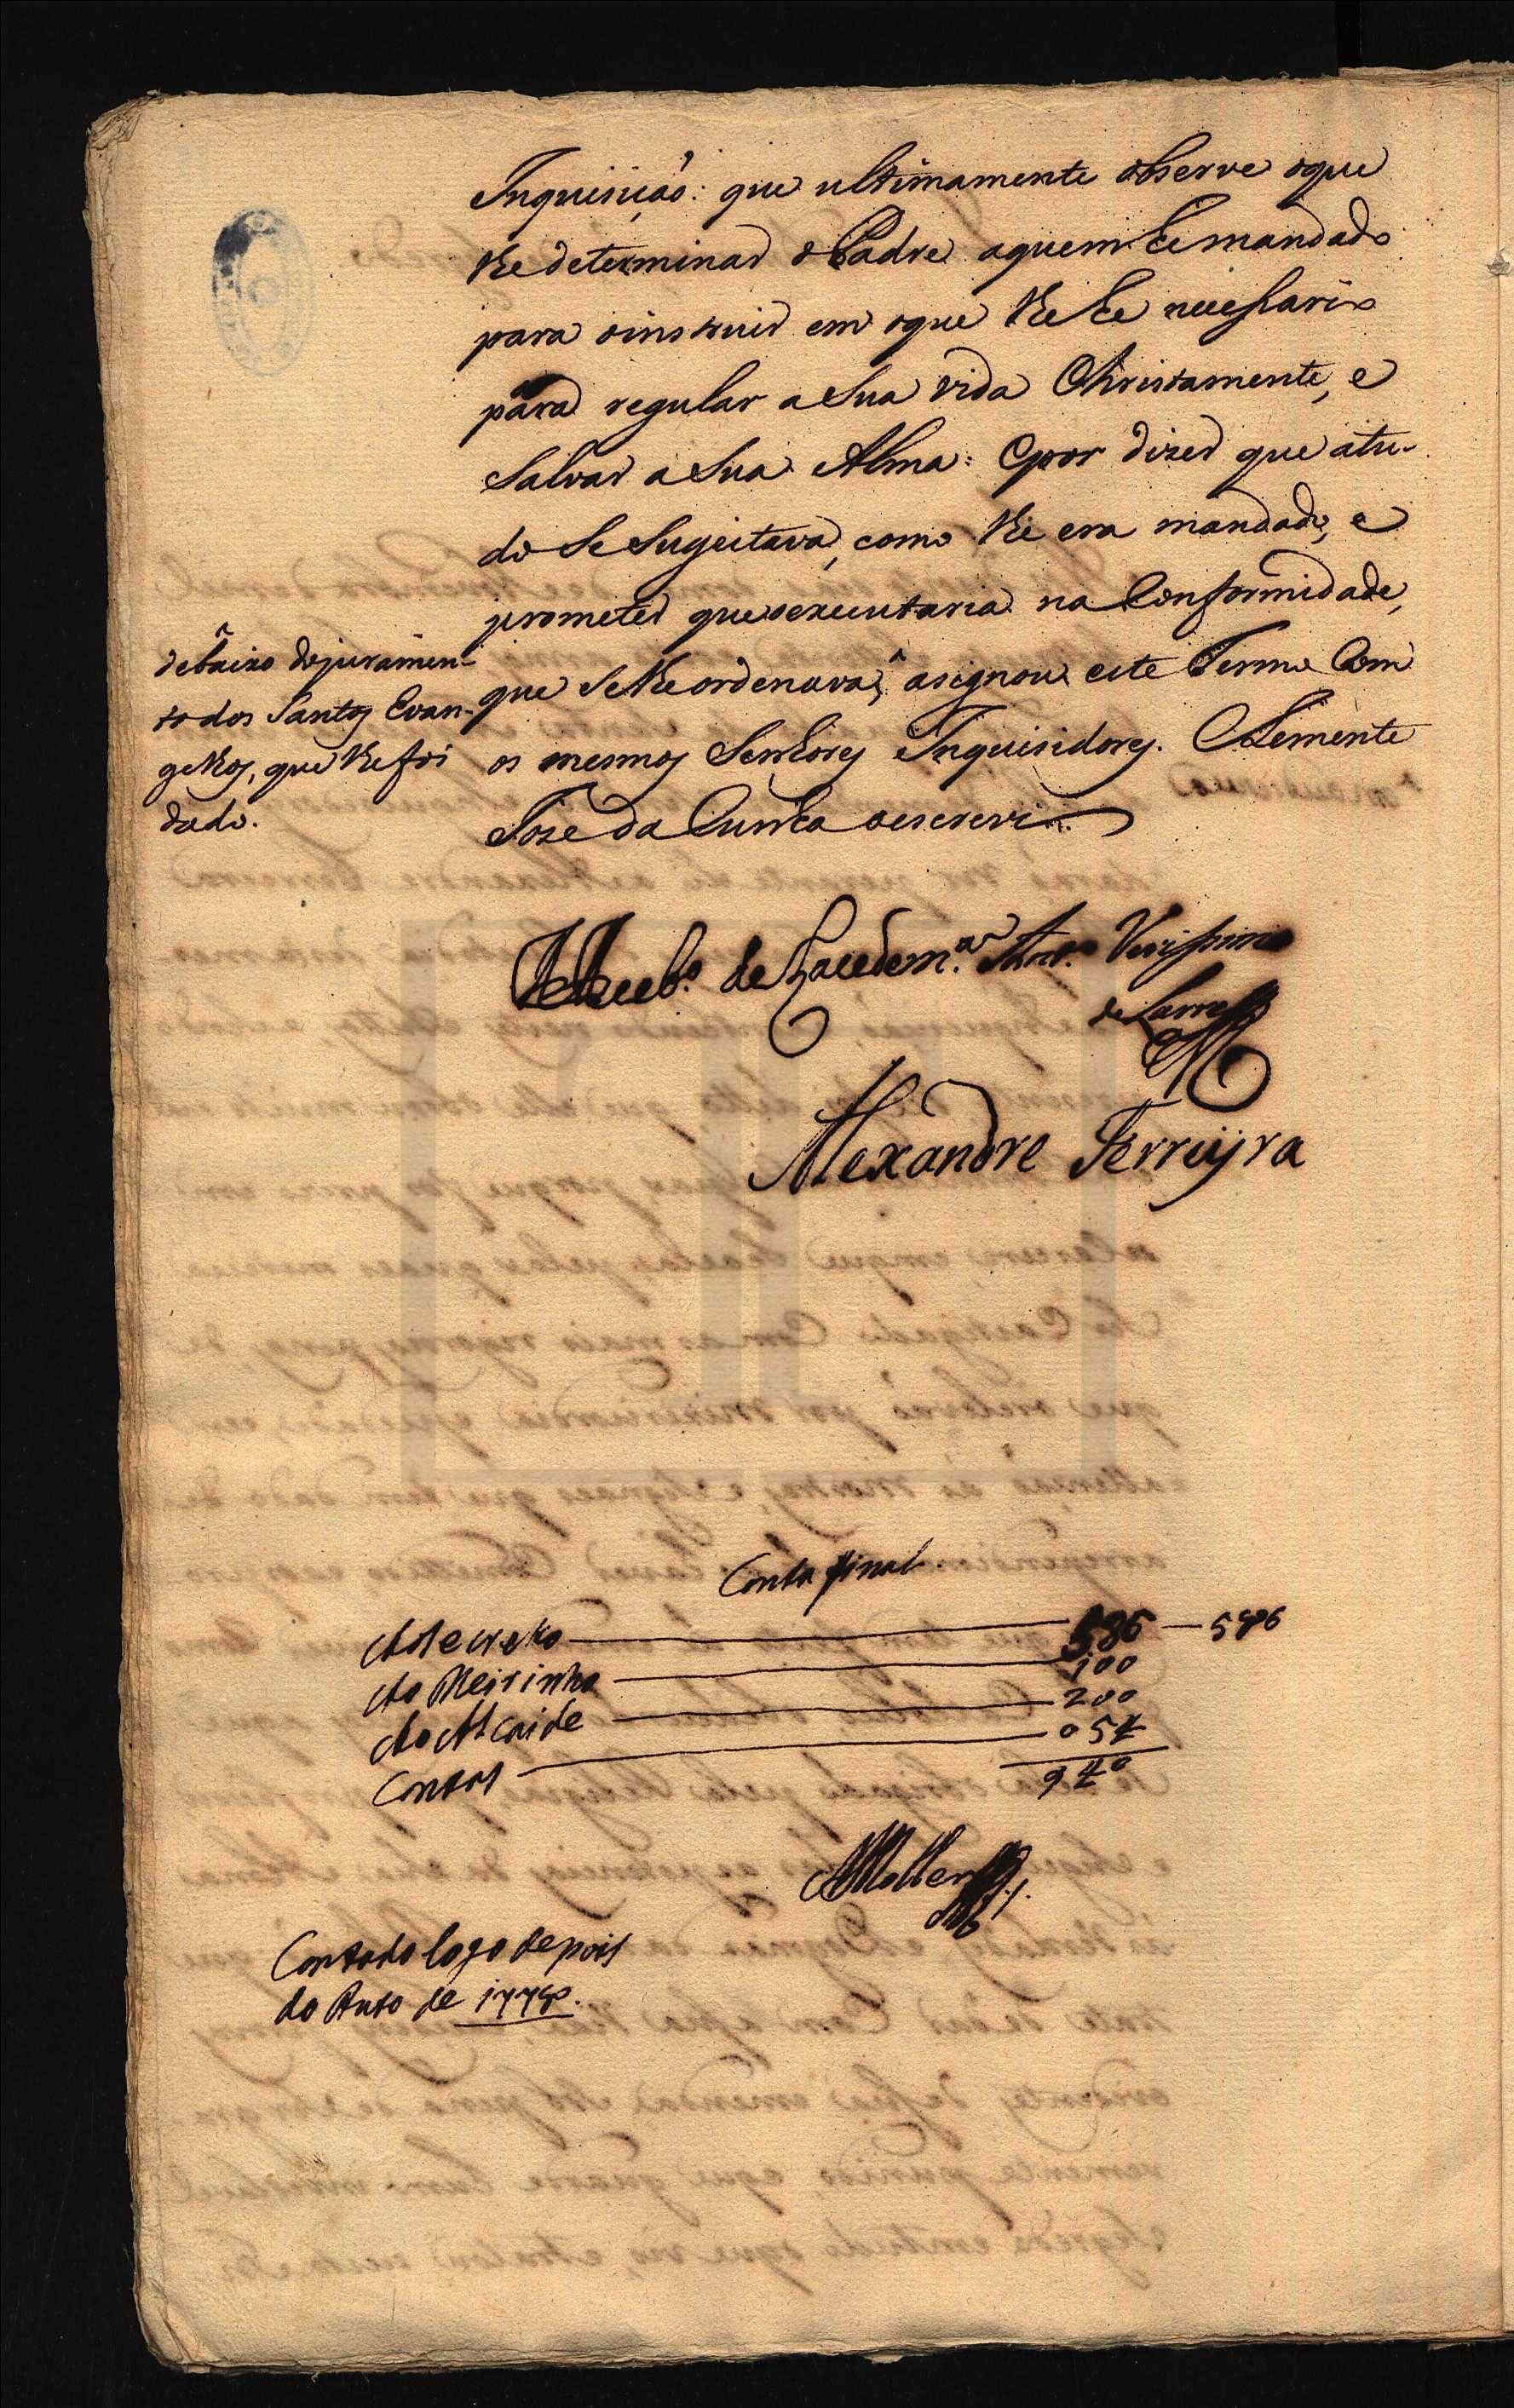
Inquisiçaõ: que ultimamente observe o que
lhe determinar o Padre a quem he mandado
para o instruir em o que lhe he necessario
para regular a Sua vida Christamente, e
Salvar a Sua Alma: e por dizer que a tu
do Se Sugeitava como lhi era mandado, e
prometer que o executaria na Conformidade,
debaixo do juramen
que se lhe ordenavaõ asignou este Termo Com
to dos Santos Evan
os mesmos Senhores Inquisidores. Clemente
gelhos, que lhe foi
dado.
Ioze da Cunha o escrevi
A Arceb.o de Lacedem.ar Ant.o Verissimo
de Larre
Alexandre Ferreyra
Conta final.
586
586
ao secreto.
100
Ao Meirinho
200
Ao Alcaide
054
contas
950
Moller
Contado logo depois
do Auto de i778.
